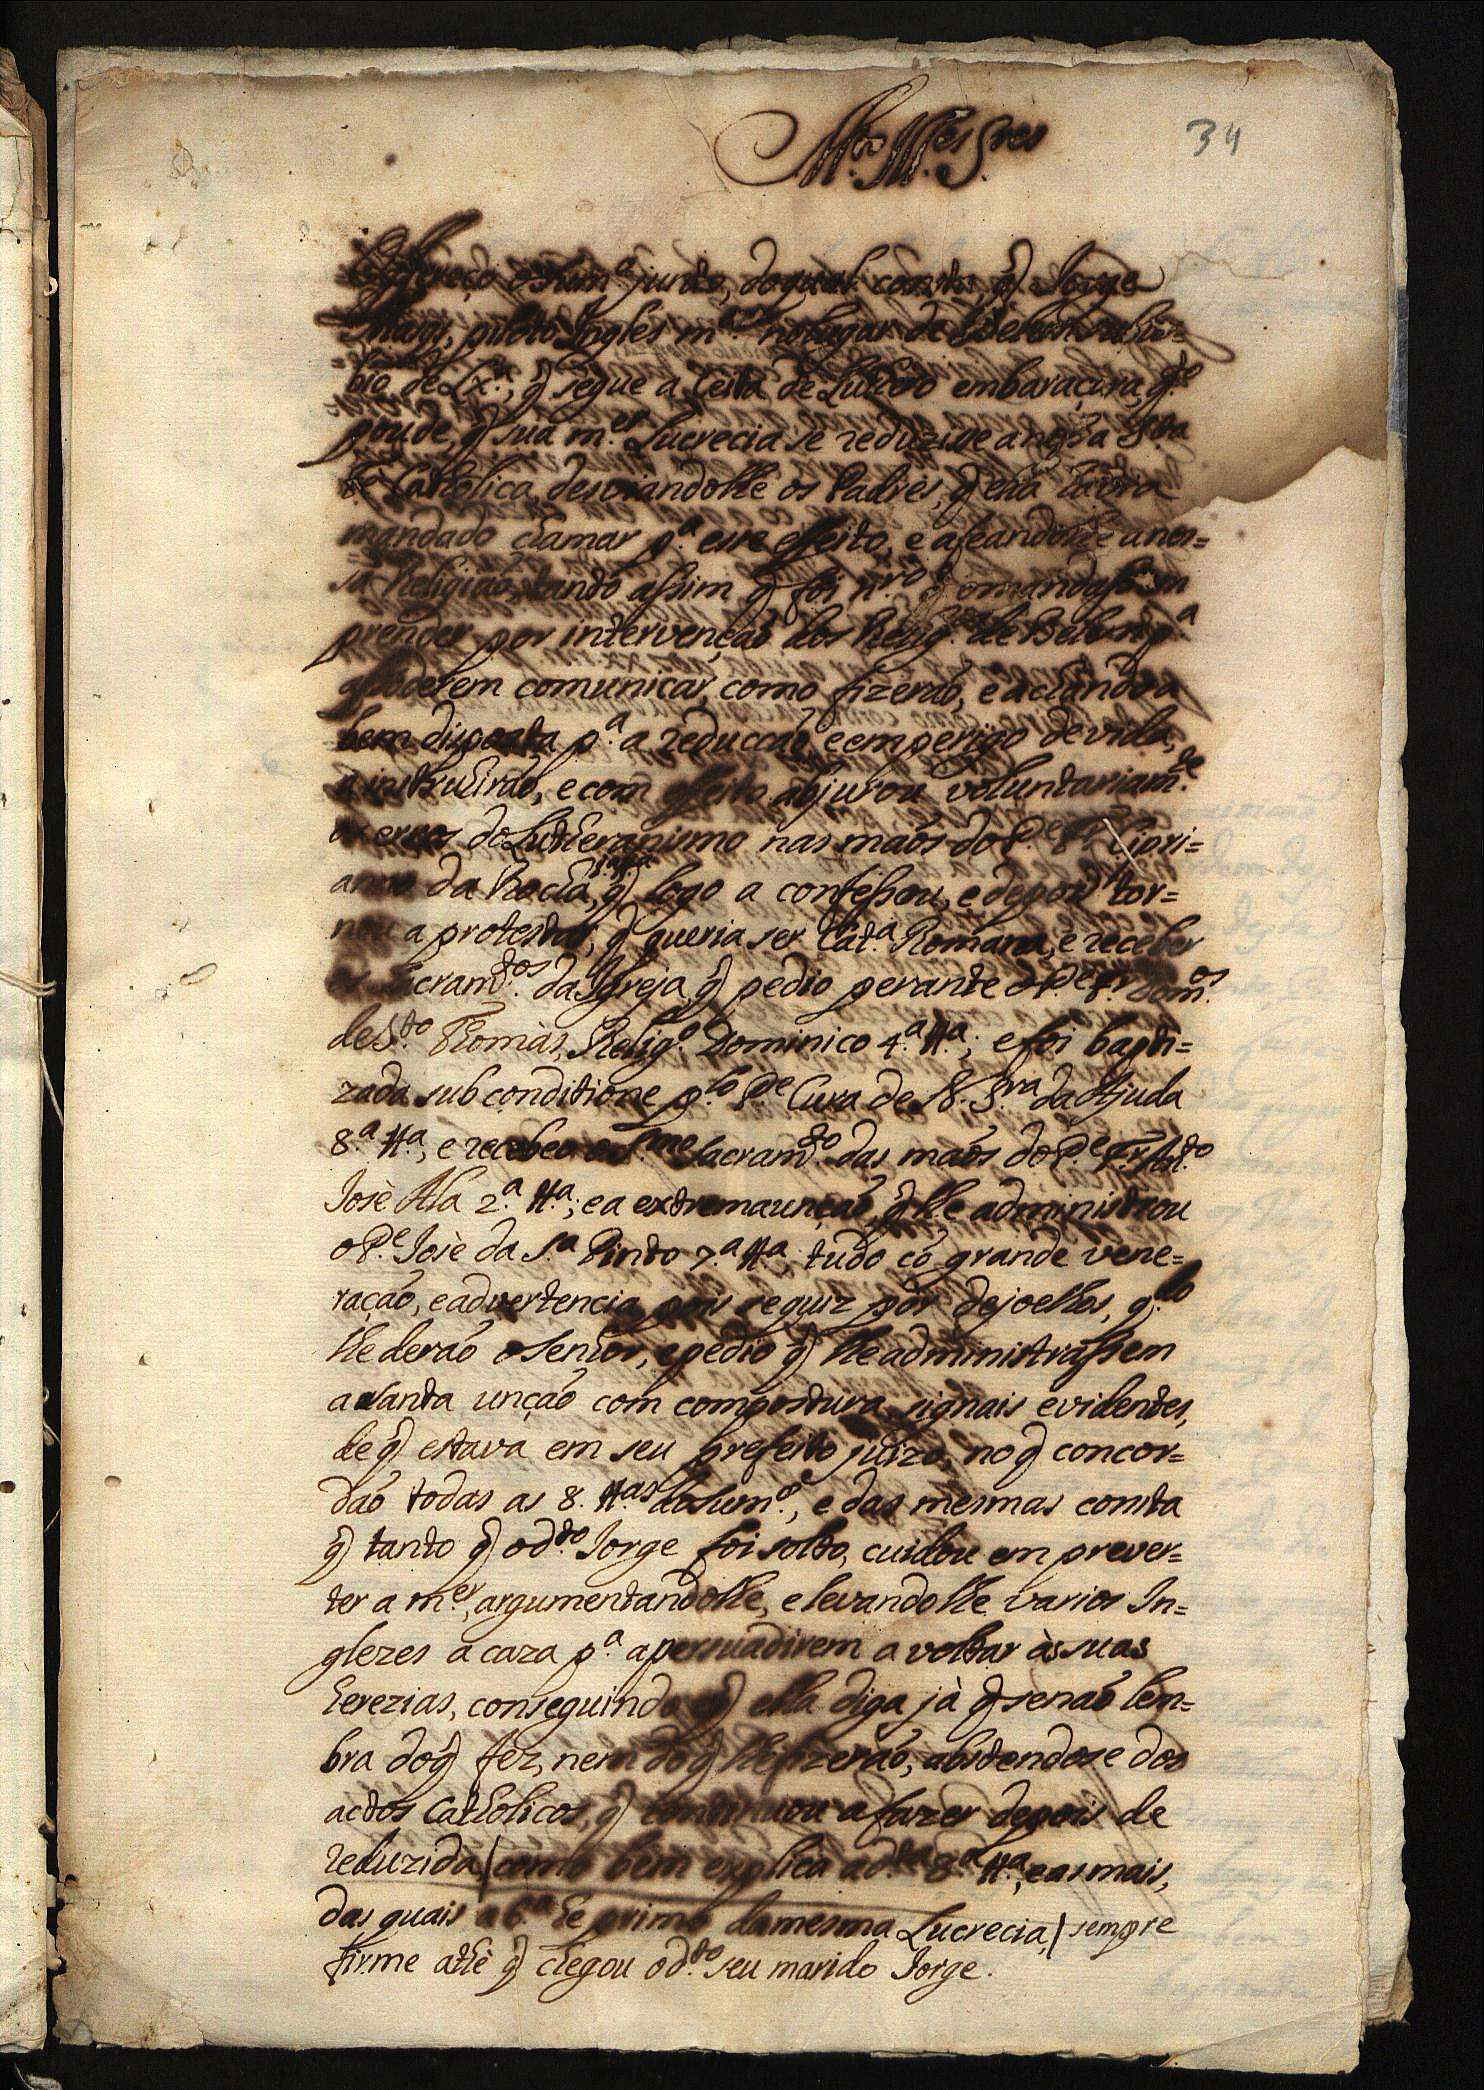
M.to Ill.es S.res
Offereço o sumo junto, do qual consta q̄ Iorge
Masqs, piloto Ingles m._ no lugar de Belem _ubur
bio de Lx.a, q̄ segue a ceita de Luthero embaraçara q̄to
poude, q̄ sua m.er Lucrecia se reduzisse a nossa S.ta
Fe Catholica desviandolhe os Padres, q̄ ella havia
mandado chamar p.a esse effeito, e afeandolhe a nos
sa Religiaõ tanto assim q̄ foi n.ro q̄ o mandas_n
prender por intervençaõ dos Relig.zos de Belem p.a
a poderem comunicar como fizeraõ, e achandoa
bem disposta p.a a reducçaõ, e em perigo de vida,
a instruhiraõ, e com effeito abjurou voluntariam.te
os erros do Lutheranismo nas maõs do P.e Fr. Cipri
anno da Rocha, q̄ logo a confessou, e depois tor
nou a protestar, q̄ queria ser Cat.a Romana, e receber
os sacram.tos da Igreja, q̄ pedio perante o P.e F.r Dom.os
de s.to Thomas, Relig.o Dominico 4.a tt.a; e foi bapti
zada sub conditione p.lo P.e Cura de N. S.ra da Ajuda
8.a tt.a, e recebeo o S.m sacramto. das maõs do P.e Fr. An.to
Iosè Ala 2.a tt.a; e a extrema unçaõ, q̄ lhe administrou
o P.e Iosè da S.a Pinto 7.a tt.a, tudo cō grande vene
raçaõ, e advertencia pois se quiz por de joelhos q.do
lhe deraõ o senhor, e pedio q̄ lhe administrassem
a santa unçaõ com compostura signais evidentes,
de q̄ estava em seu prefeito juizo no q̄ concor
daõ todas as 8. tt.as do Sumo, e das mesmas consta
q̄ tanto q̄ o d.to Iorge foi solto, cuidou em prever
ter a m.er, argumentandolhe, e levandolhe varios In
glezes a caza p.a a persuadirem a voltar às suas
herezias, conseguindo q̄ ella diga jà q̄ se naõ lem
bra do q̄ fez, nem do q̄ lhe fizeraõ, abstendose dos
actos catholicos, q̄ continuou a fazer depois de
Reduzida/ como bem explica a d.ta 8.a tt.a, e as mais,
das quais a 6.a he primo da mesma Lucrecia,/ sempre
firme atè q̄ chegou o d.to seu marido Iorge.
34
